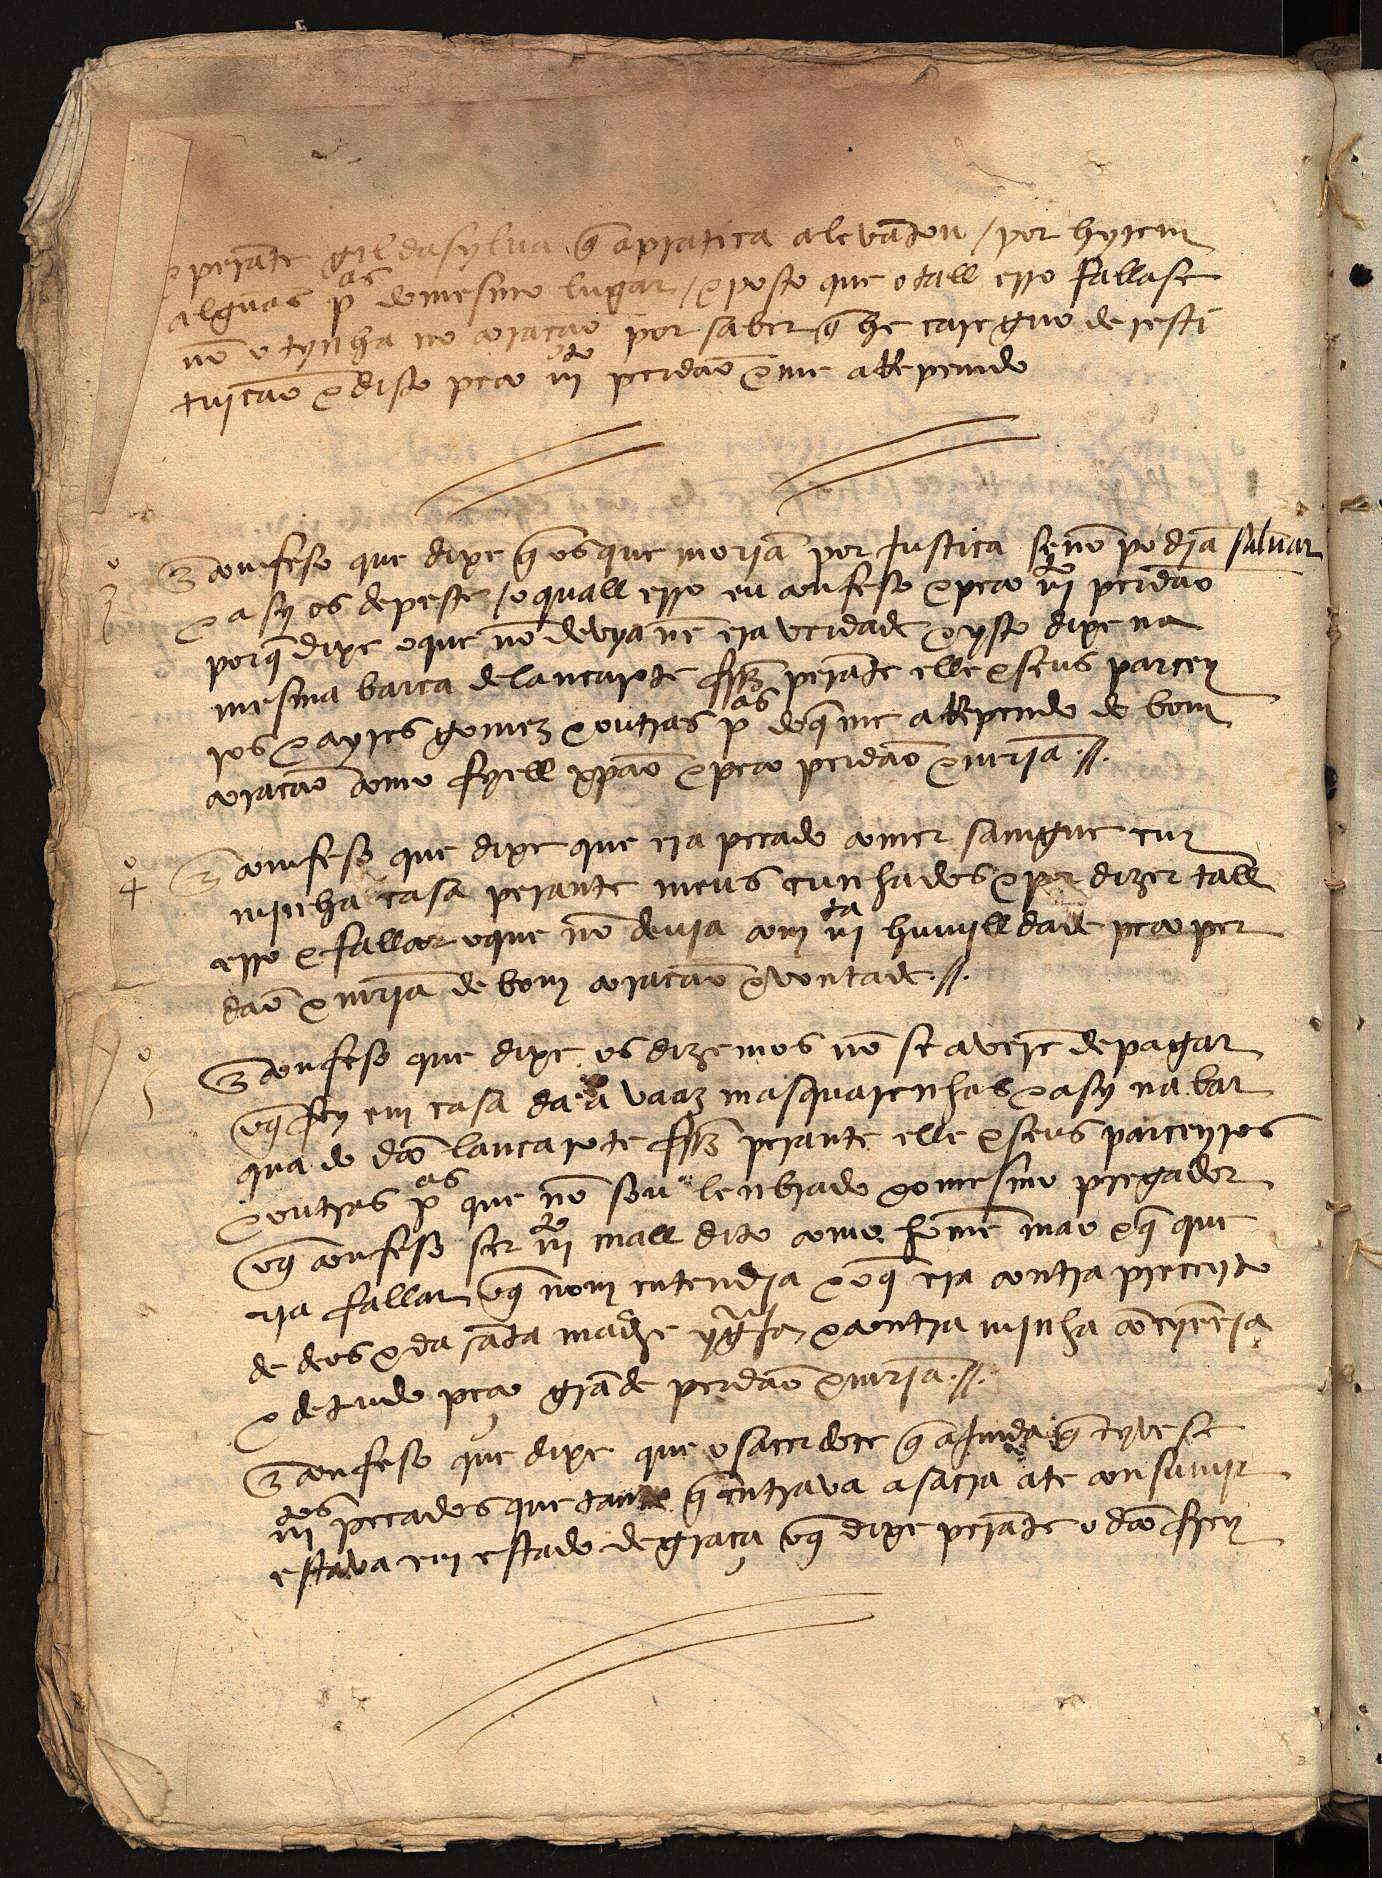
e per̄ate gil da sylua q̄ a pratica alevātou / por hyrem
algūas pas do mesmo lugar / e posto que o tall erro fallase
n̄o o tynha no coração por saber q̄ he careguo de resti
ujcão e disto peco mto perdão e me aRepemdo
item comfeso que dixe q̄ os que morjā por Justica se n̄o podjā saluar
e asy os de peste / o quall erro eu confeso e peco mto perdão
porq̄ dixe o que n̄o devya n̄e era verdade e ysto dixe na
mesma barca de lancarote frr̄z per̄ante elle e seus parcey
ros e ayres gomez e outras pas de q̄ me aRependo de bom
coracão como fyell xpão e peco perdão e mr̄ja .//.
item comfeso que dixe que era pecado comer samgue em
mjnha casa perante meus cunhados e por dizer tall
erro e fallar o que n̄o deuja com mta humjlldade peco per
daõ e mr̄ja de bom coracão e vontade .//.
item confeso que dixe os dizemos nō se aver̄em de pagar
o q̄ foy em casa da ao vaaz masquarenhas e asy na bar
qua do dito lancarote frr̄z perante ell e seus parceyros
e outras pas que n̄o sou lenbrado e o mesmo pregador
o q̄ confeso ser mto mall dito como hōme mao e q̄ que
rja fallar o q̄ nom entendja e o q̄ era contra preceyto
de deos e da sāta madre yḡJa e contra mjnha c̄ocyēcja
e de tudo peço grāde perdão e mr̄ja . //.
item confeso que dixe que o sacerdote q̄ aJmda q̄ tyvese
mtos pecados q̄ tanto q̄ entrava a sacra ate consumjr
estava em estado de graça o q̄ dixe per̄ate o dc̄o frey
